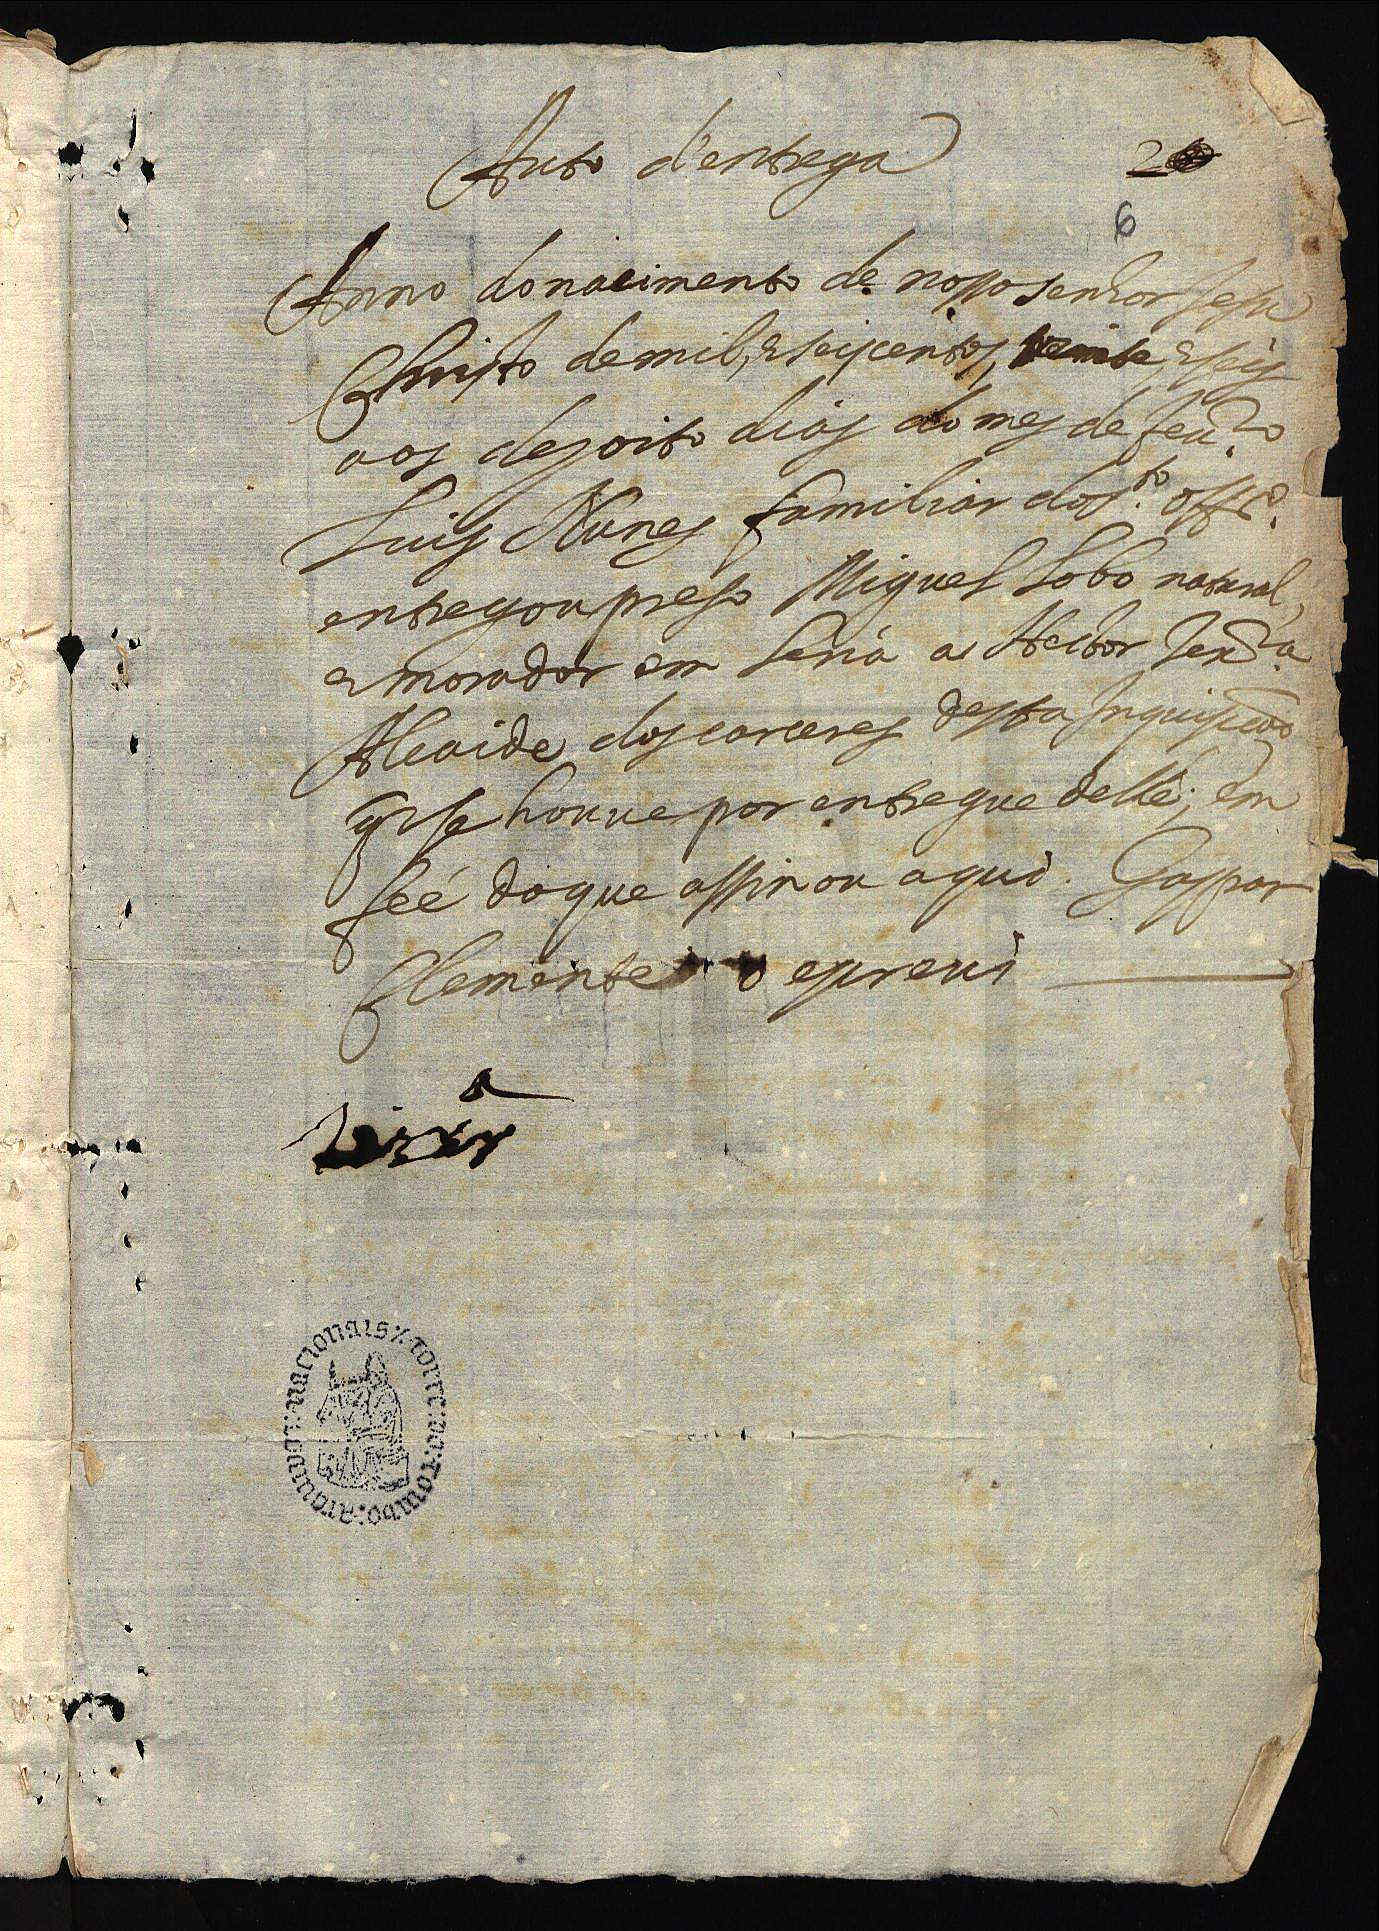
Auto d'entrega
Anno do nacimento de nosso senhor Jesu
Christo de mil, E seiscentos, vinte, E seis
aos dezoito dias do mes de feu.ro
Luis Nunes familiar do sto. offo.
entregou preso Miguel Lobo natural,
E morador em Leria a Hector Tex.ra
Alcaide dos carceres desta Jnquisição
q̄ se houue por entregue delle; em
feé do que assinou aqui. Gaspar
Clemente o escreui
